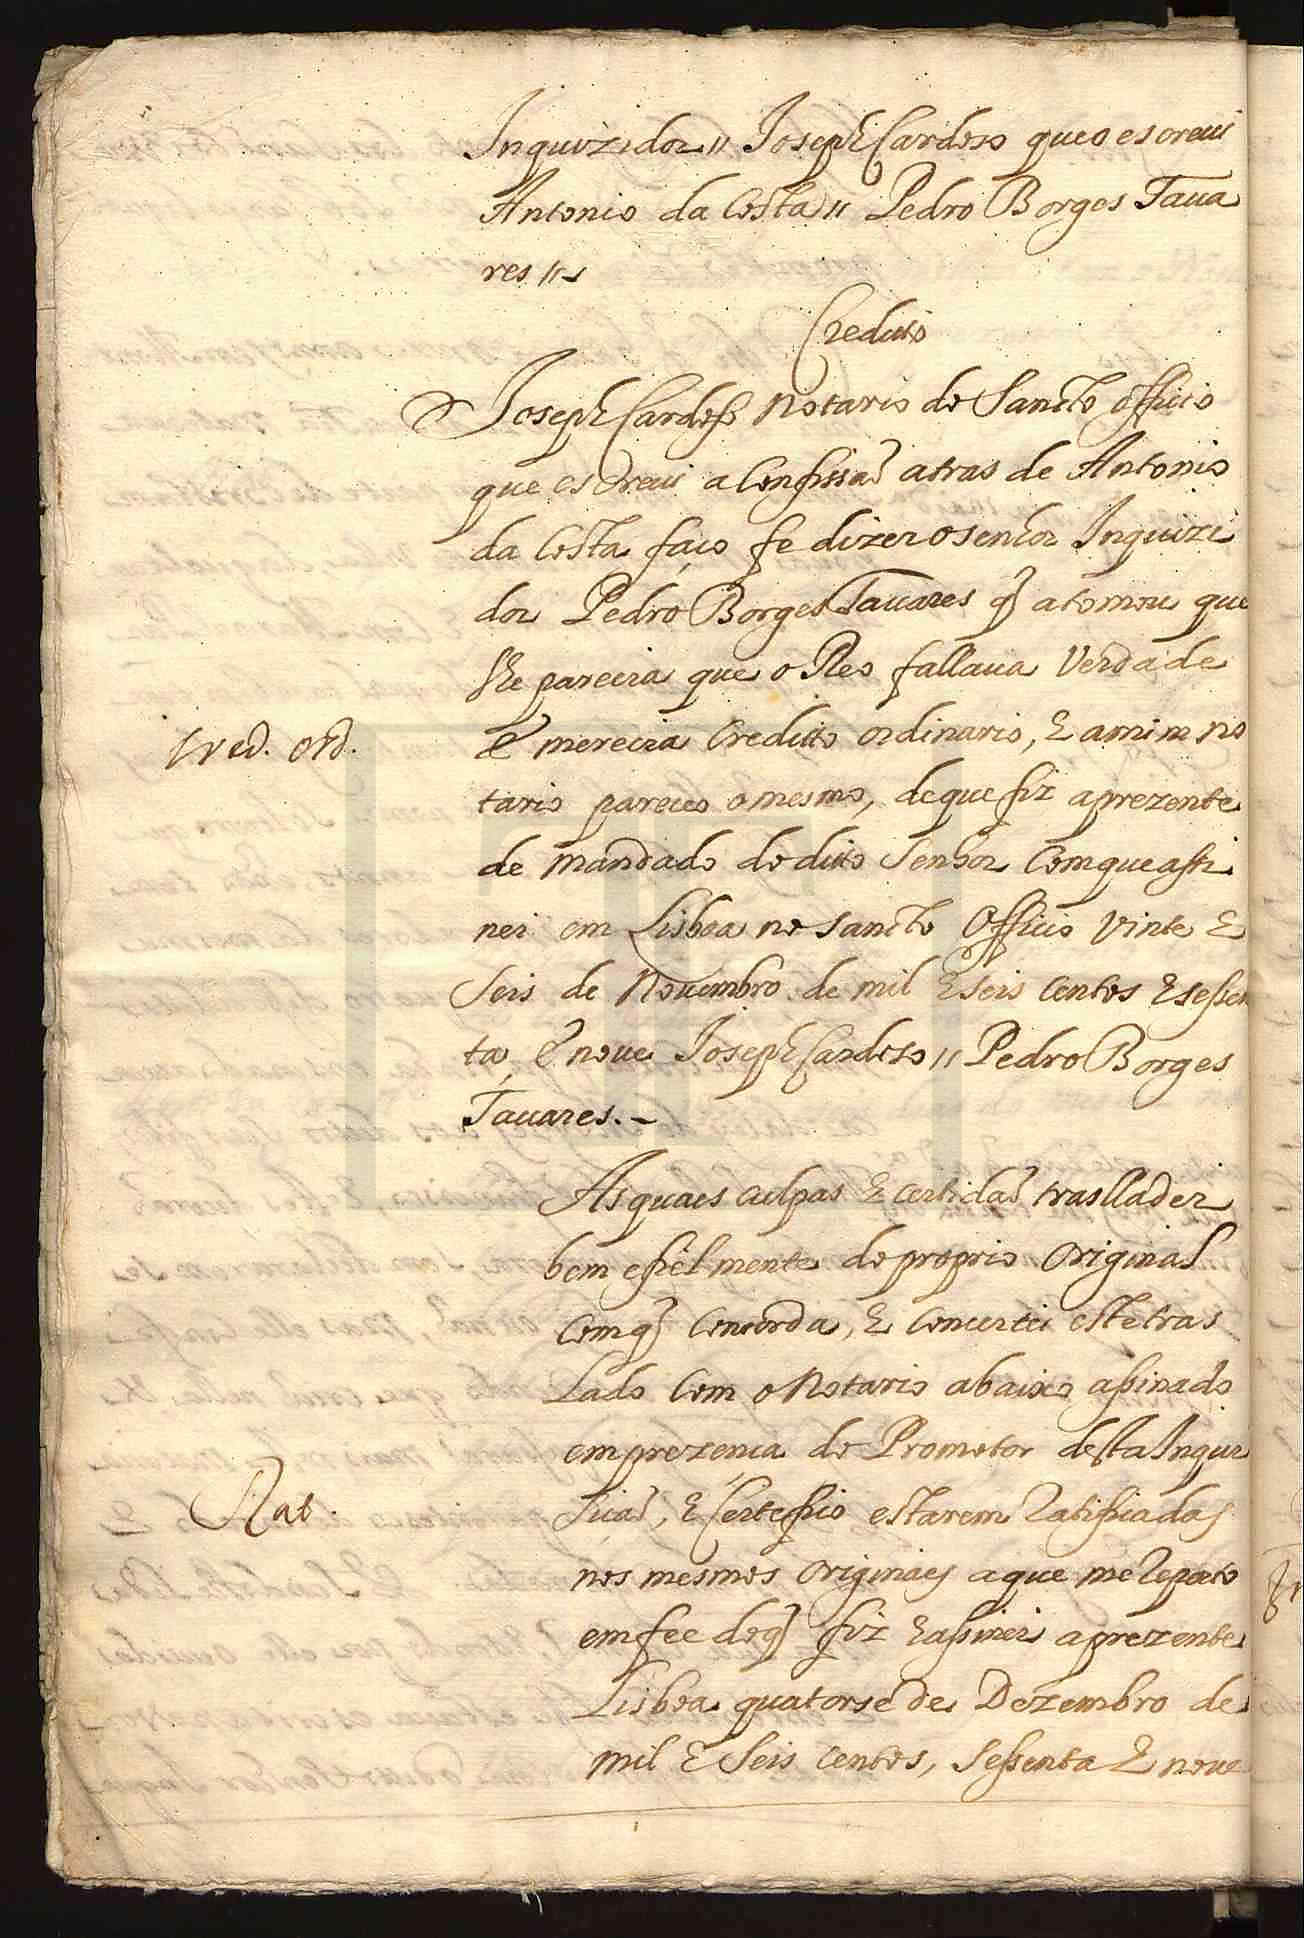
Jnquizidor // Joseph Cardozo que o escreui
Antonio da Costa // Pedro Borges Taua
res //
Credito
Joseph Cardoso notario do Sancto officio
que escreui a Confissaõ atras de Antonio
da Costa faço fe dizer o senhor Jnquizi
dor Pedro Borges Tauares q̄ a tomou que
lhe parecia que o Reo fallaua verdade
e merecia creditto ordinario, E a mim no
tario pareceo o mesmo, de que fiz a prezente
de mandado do ditto Senhor com que assi
nei em Lisboa no sancto officio vinte E
seis de nouembro de mil E seiscentos e sessen
ta, e noue Joseph Cardoso // Pedro Borges
Tauares. -
As quaes culpas E certidaõ traslladei
bem e fielmente do proprio original
com q̄ concorda, E concertei este tras
lado com o notario abaixo assinado
em prezença do Promotor desta Jnqui
siçaõ, E Certefico estarem ratificadas
nos mesmos originaes a que me reporto
em fee do q̄ fiz E assinei a prezente
Lisboa quatorse de Dezembro de
mil E seiscentos, e sessenta E noue
